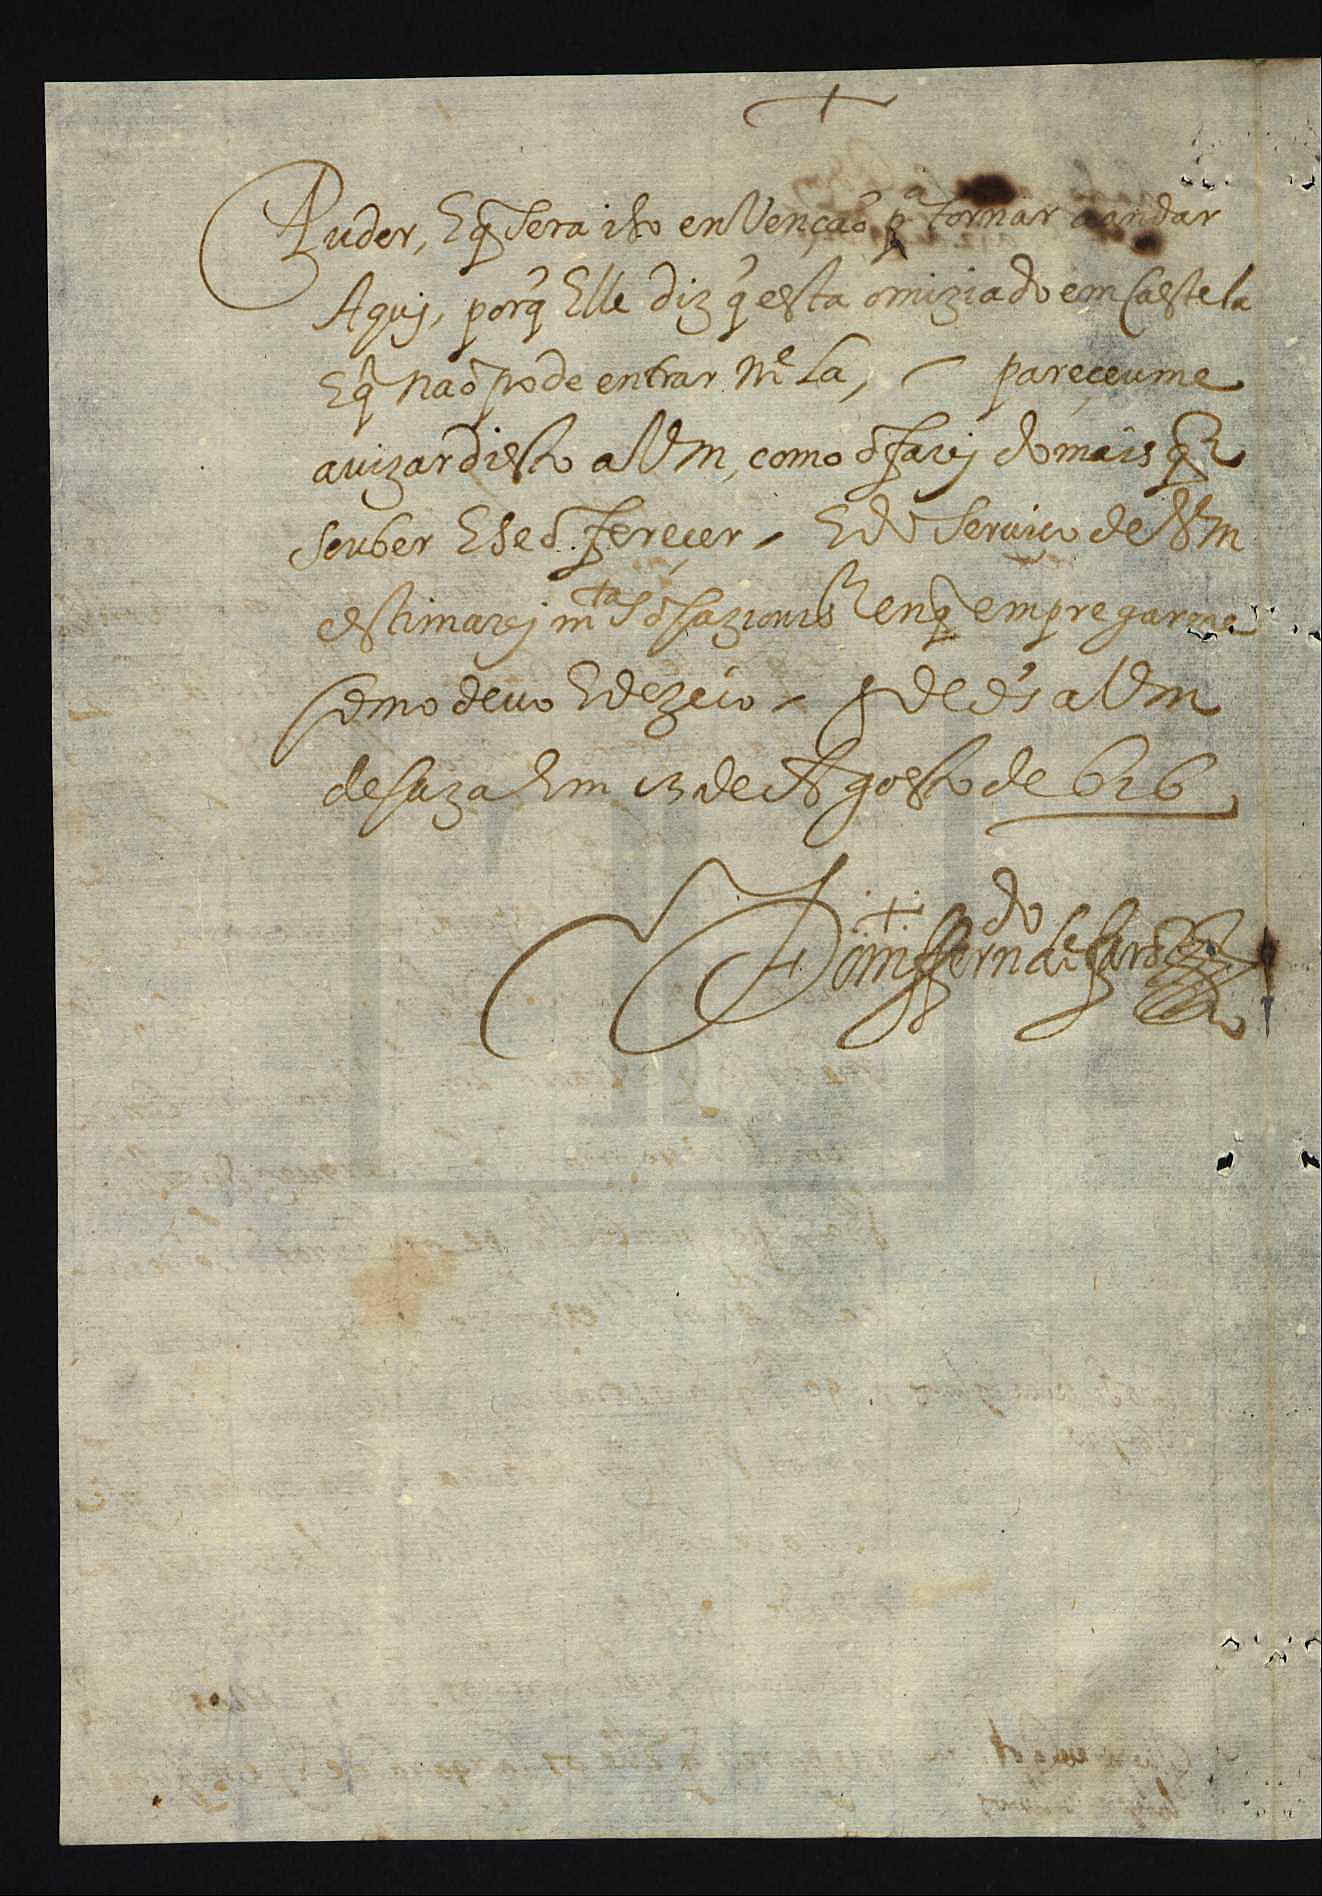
Puder, E q̄ Sera iso enVençaõ pa tornar a andar
Aquj, porq̄ Elle diz q̄ esta omiziado em Castela
E q̄ naõ pode entrar me La, – pareceume
auizar disto a V m, como o farej do mais q̄
Souber E se oferecer, E do Seruiço de Vm
estimarej mtas oCazionis en q̄ empregarme
Como deuo E dezeio – gde ds̄ a Vm
de Caza Em 13 de Agosto de 616
Dom fferndo de faro
